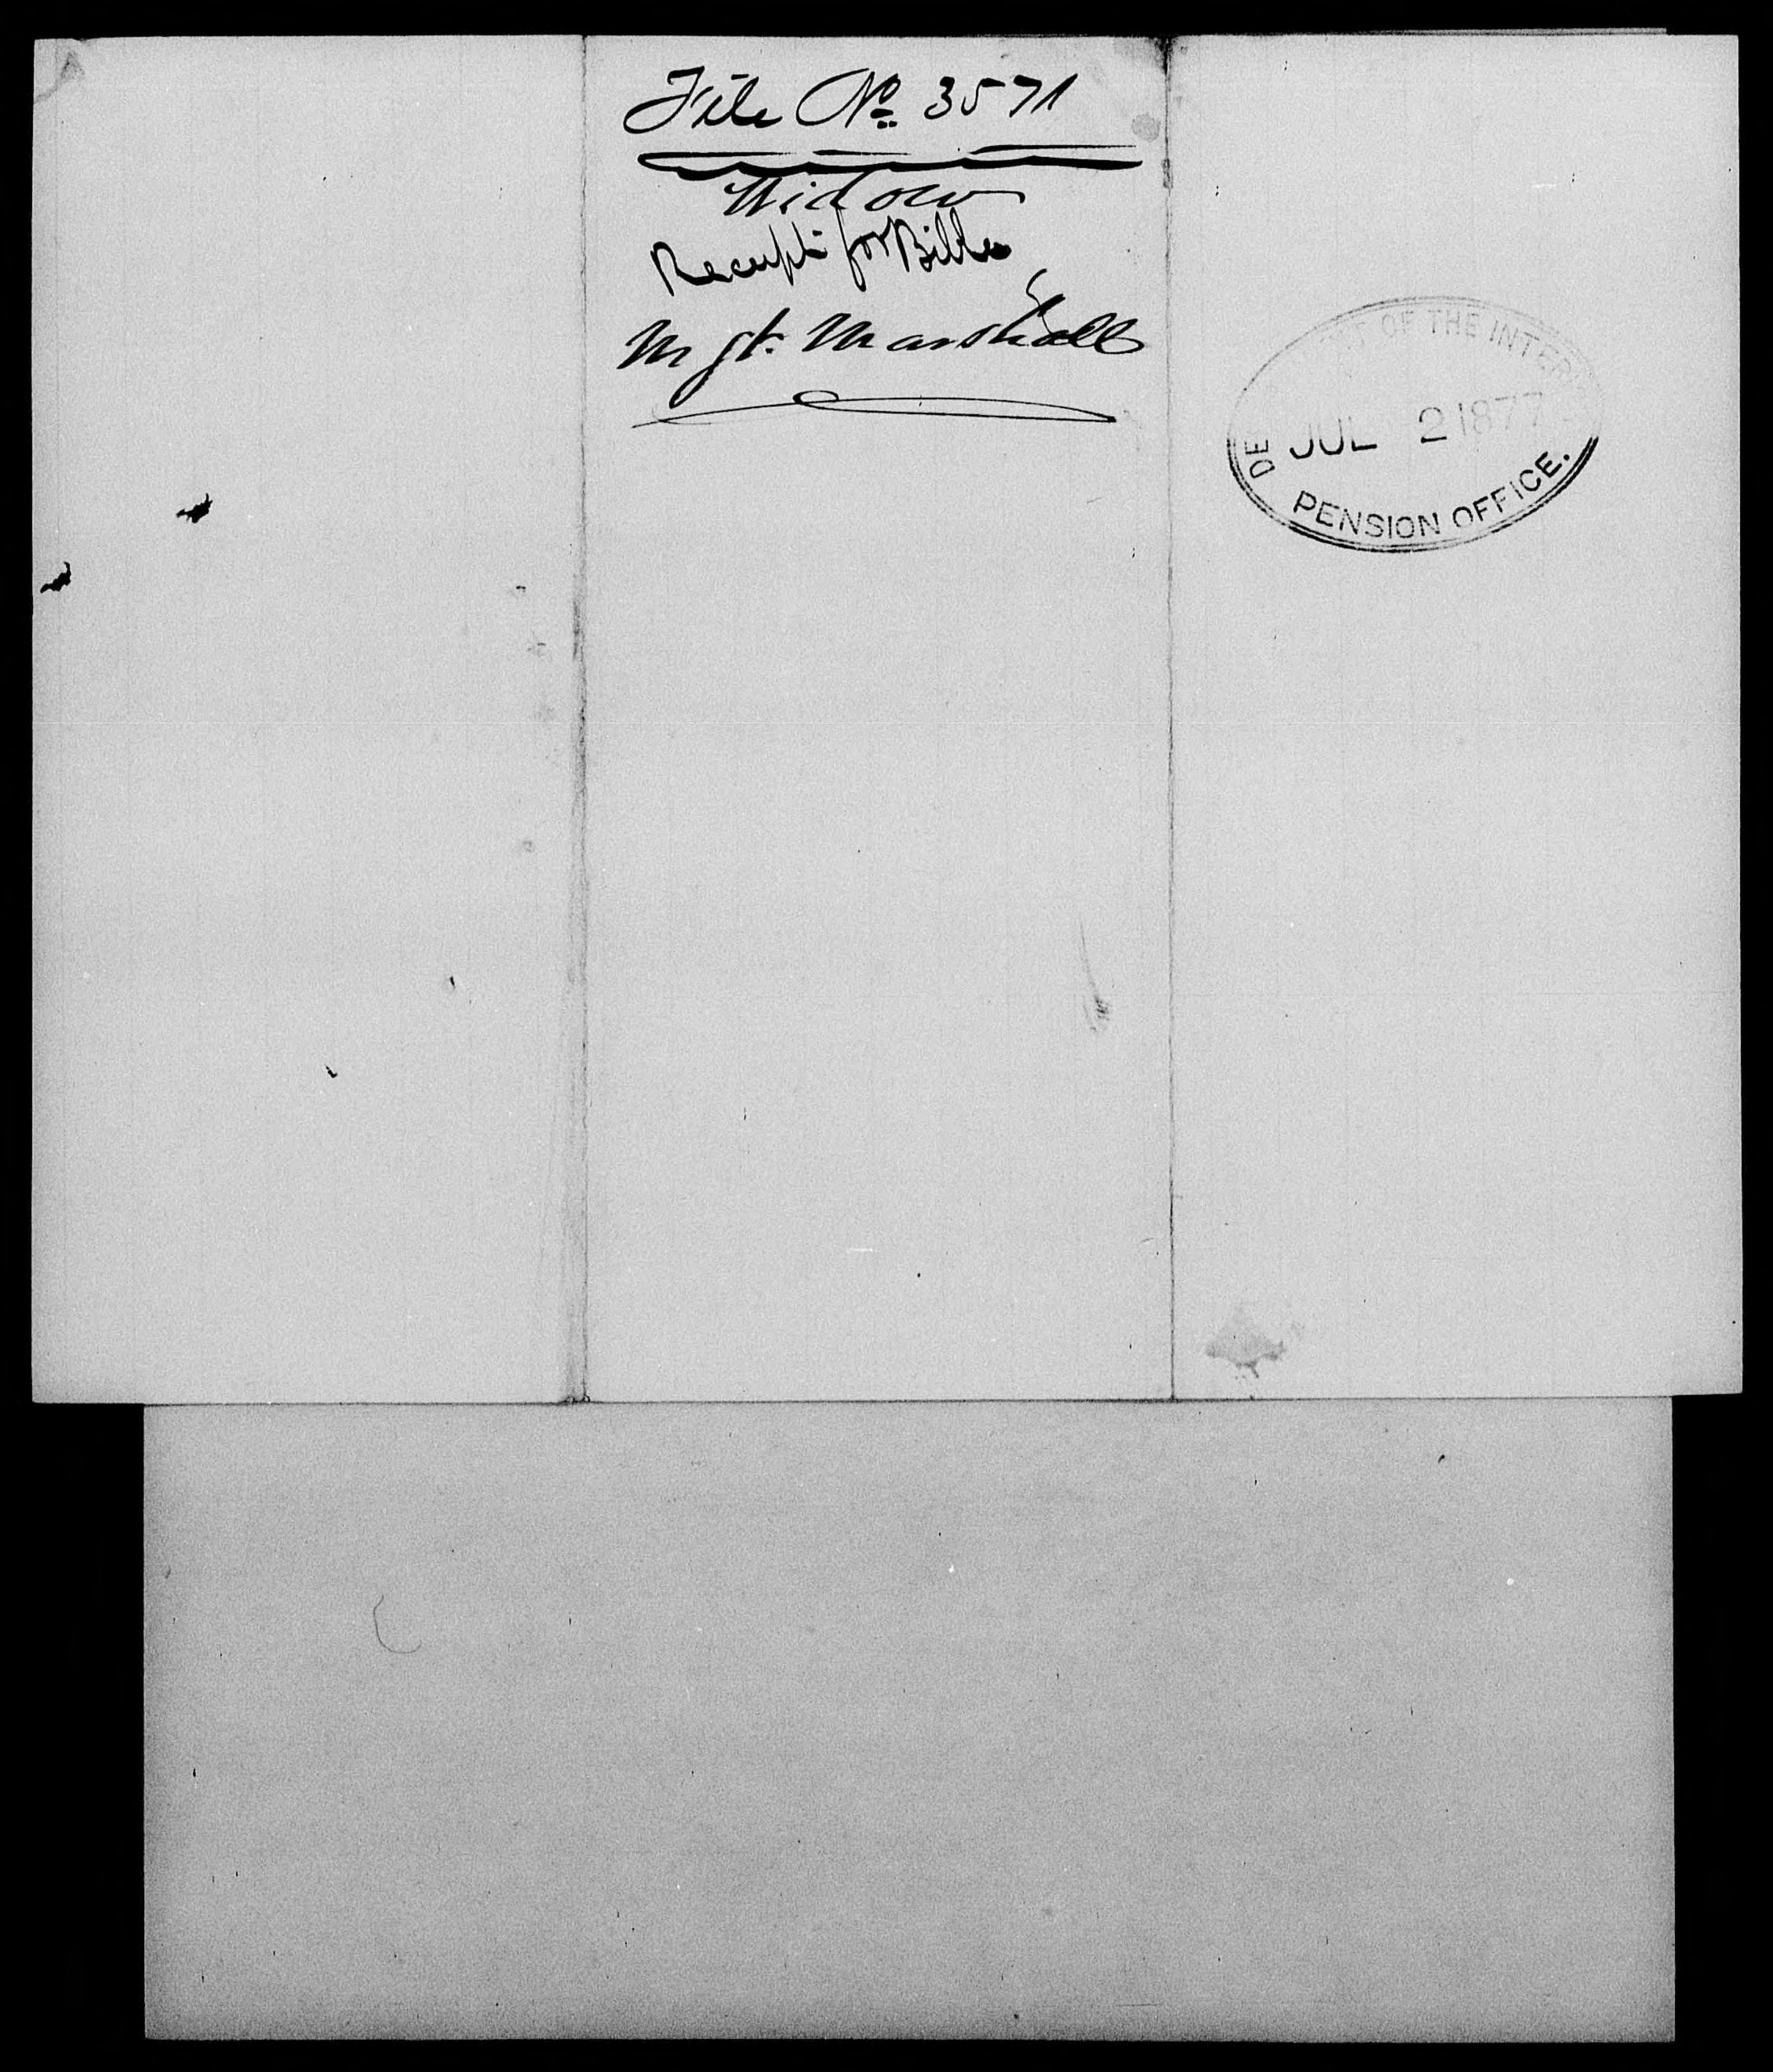File No 3571
Widow
Receipt for Bible
Mgt. Marshall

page: 35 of 86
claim: widow's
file: W. 3571, for David Marshall, Pennsylvania